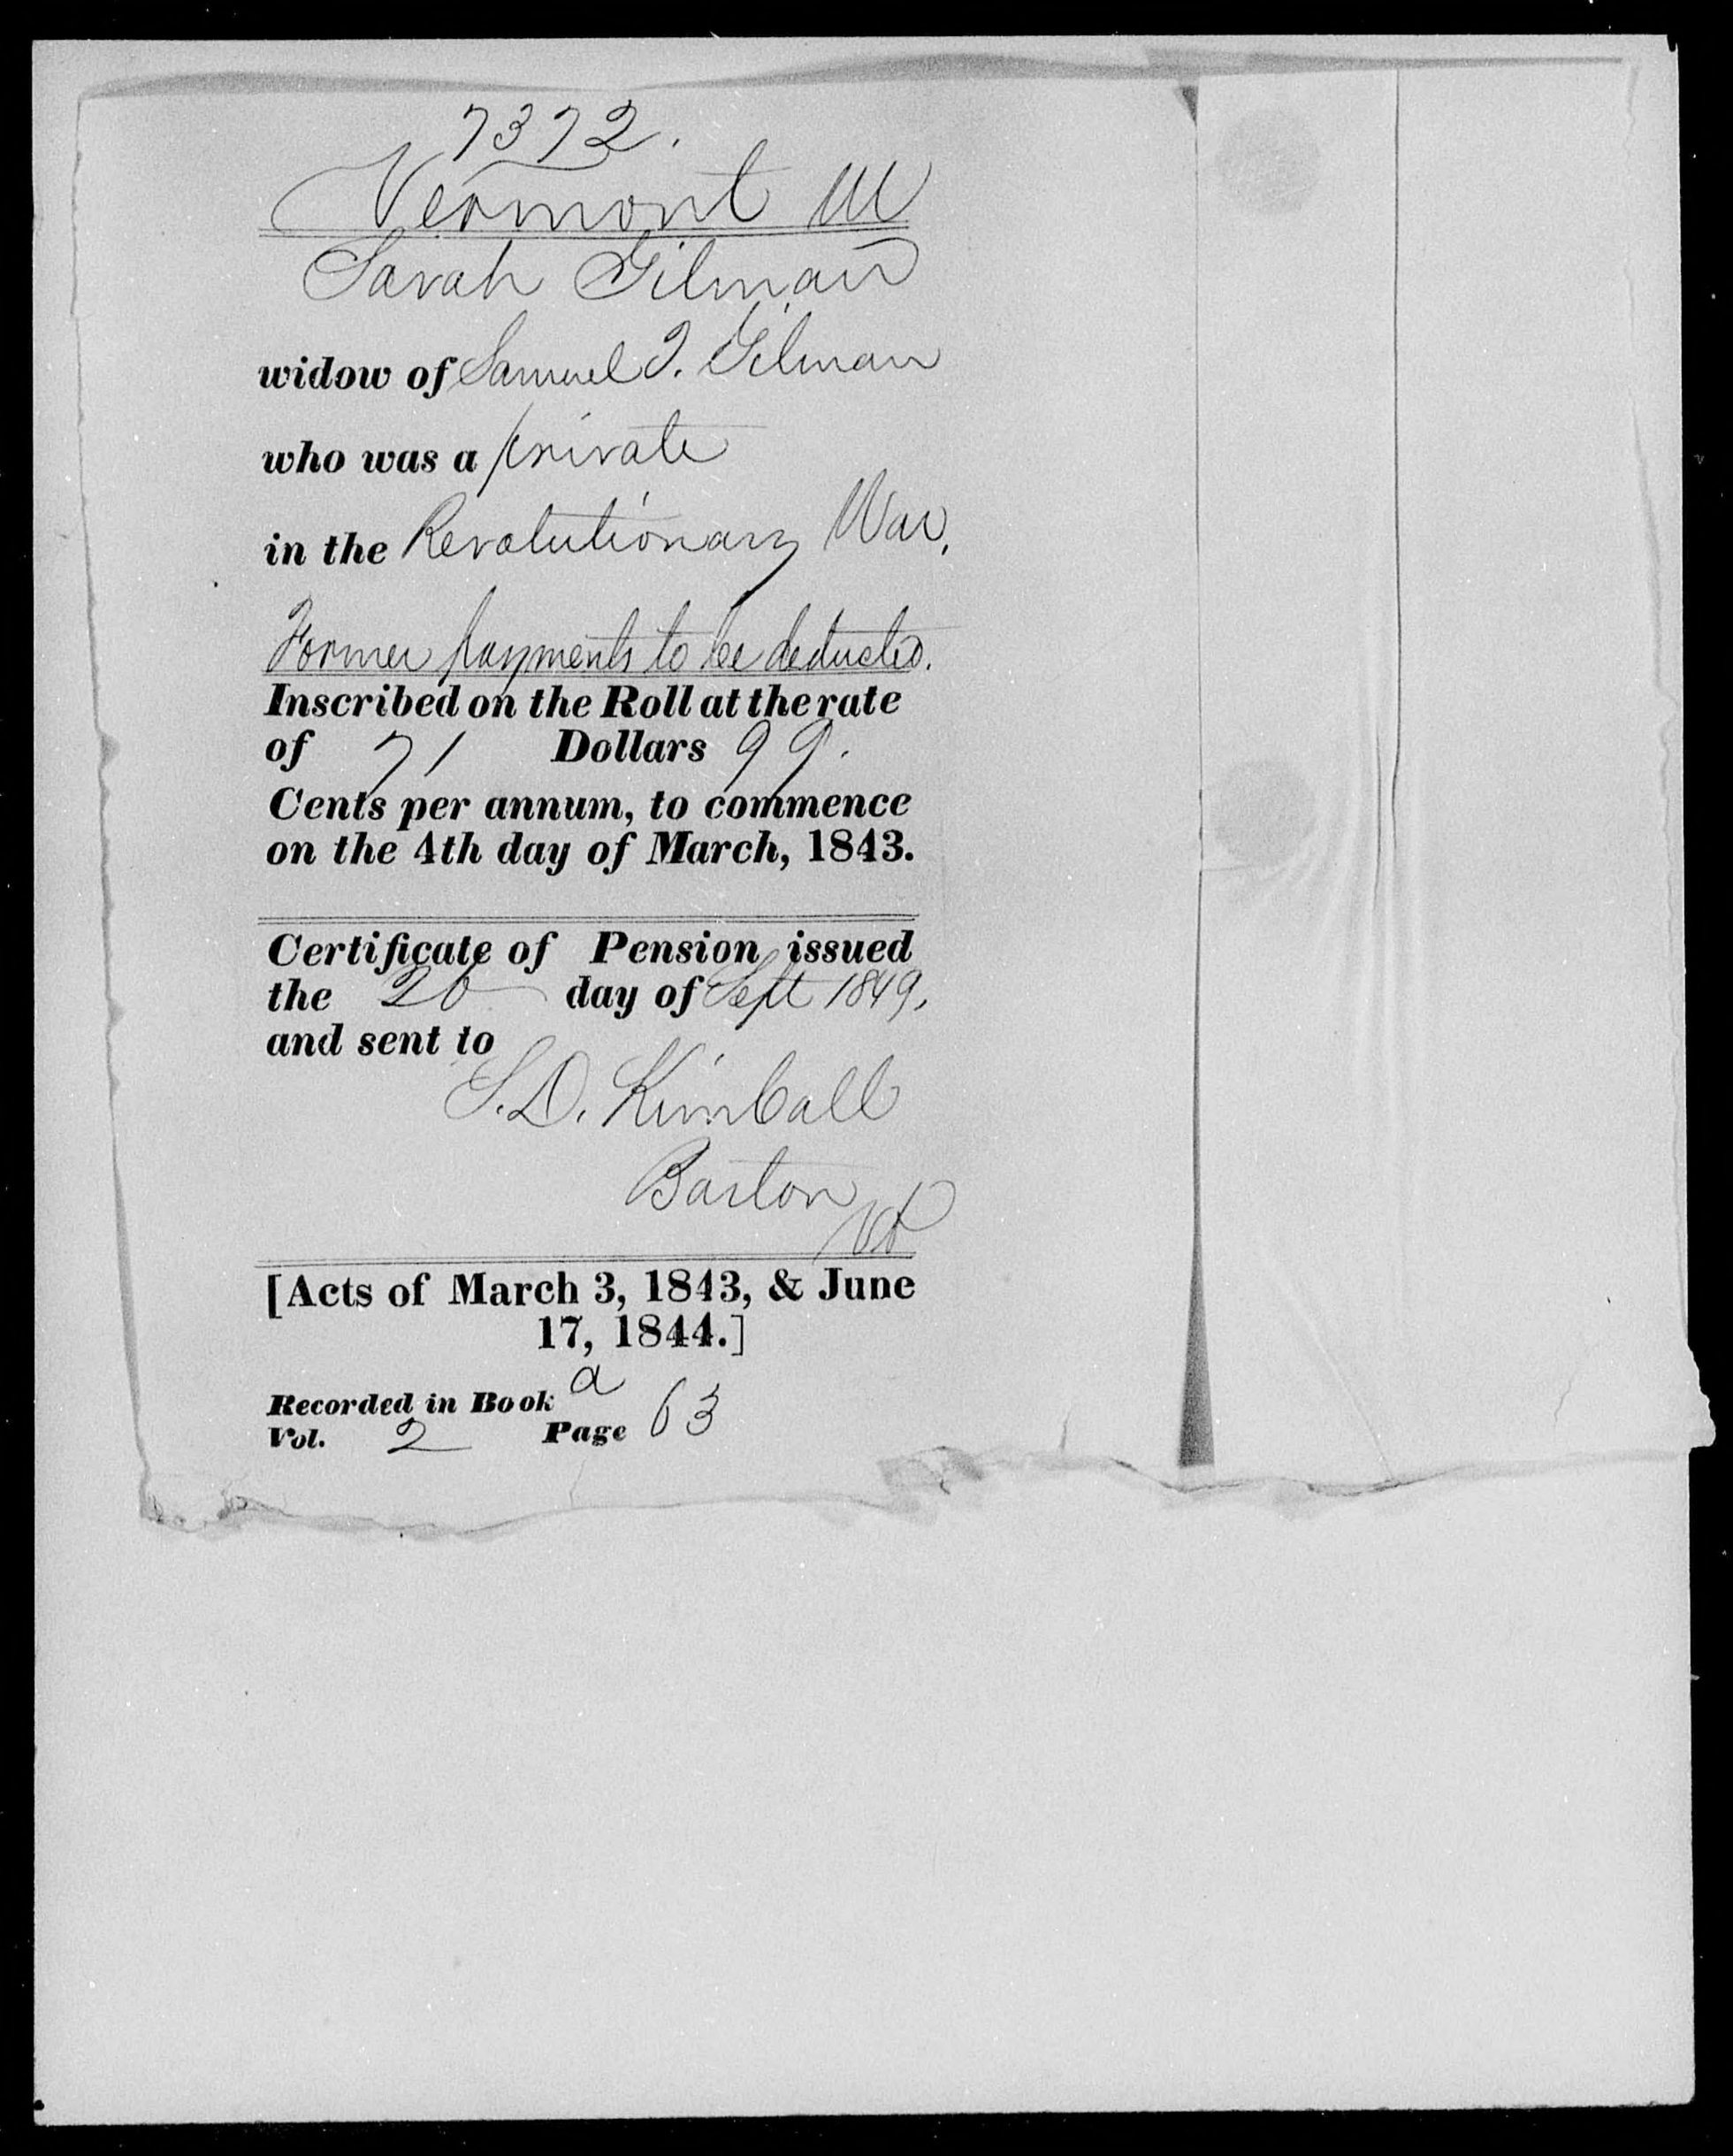7372
Vermont M
=====
Sarah Gilman
widow of Samuel T. Gilman
who was a private
in the Revolutionary War,
Former payments to be deducted.
=====
Inscribed on the Roll at the rate
of 71 Dollars 99
Cents per annum, to commence
on the 4th day of March, 1843.
=====
Certificate of Pension issued
the 26 day of Sept. 1849,
and sent to S. D. Kimball
Barton
Vt.
=====
[Acts of March 3, 1843, & June
17, 1844.]
Recorded in Book A
Vol. 2 Page 63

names: Samuel T Gilman, Sarah Gilman, S D Kimball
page: 19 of 61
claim: widow's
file: W. 19500, Samuel Thing Gilman, Continental N.H.